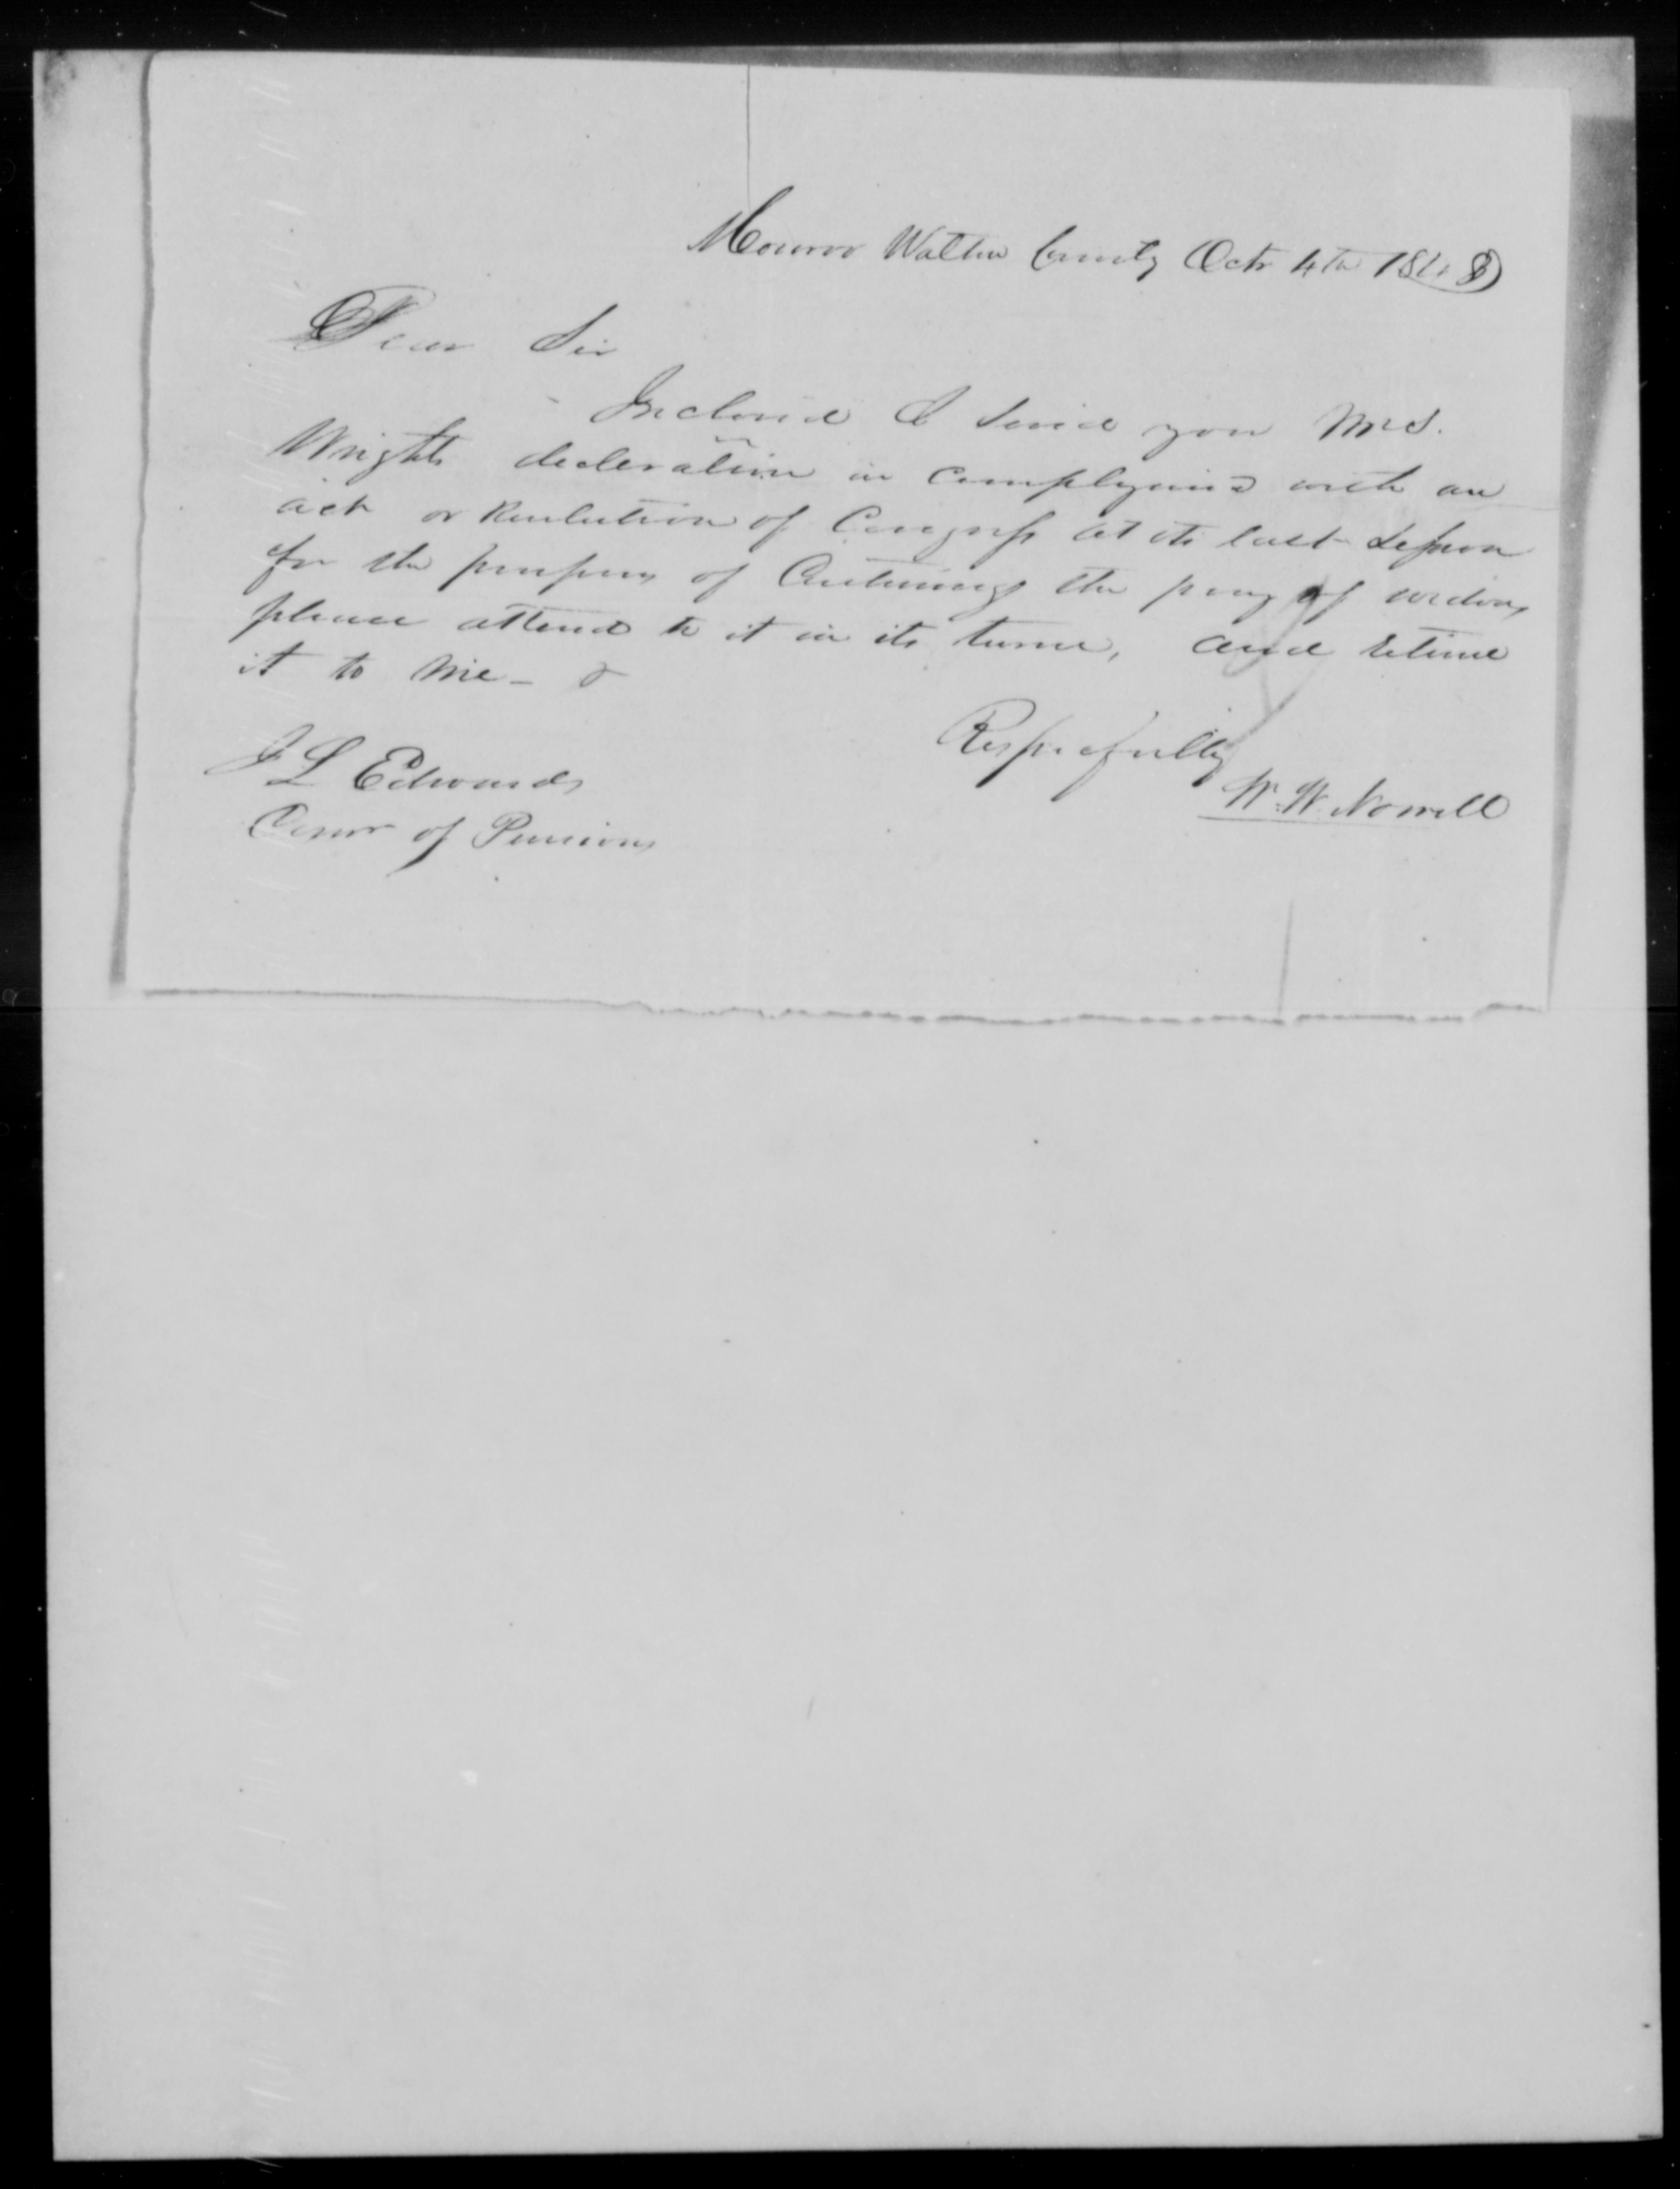Monroe Walker County Octr 4th 1848

Dear Sir
Inclosed I send you Mrs.
Wrights declaration in complying with an
act or Resolution of Congress at the last [illegible]
for the purpose of Contuing the pay of widow
Please attend to it in its time, and return
to me _
Respecfully
W W Nowell

J L Edwards
Comr of Pensions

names: W W Nowell, Wrights, J L Edwards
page: 37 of 81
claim: widow's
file: W. 5183, Bolling Wright, Va.